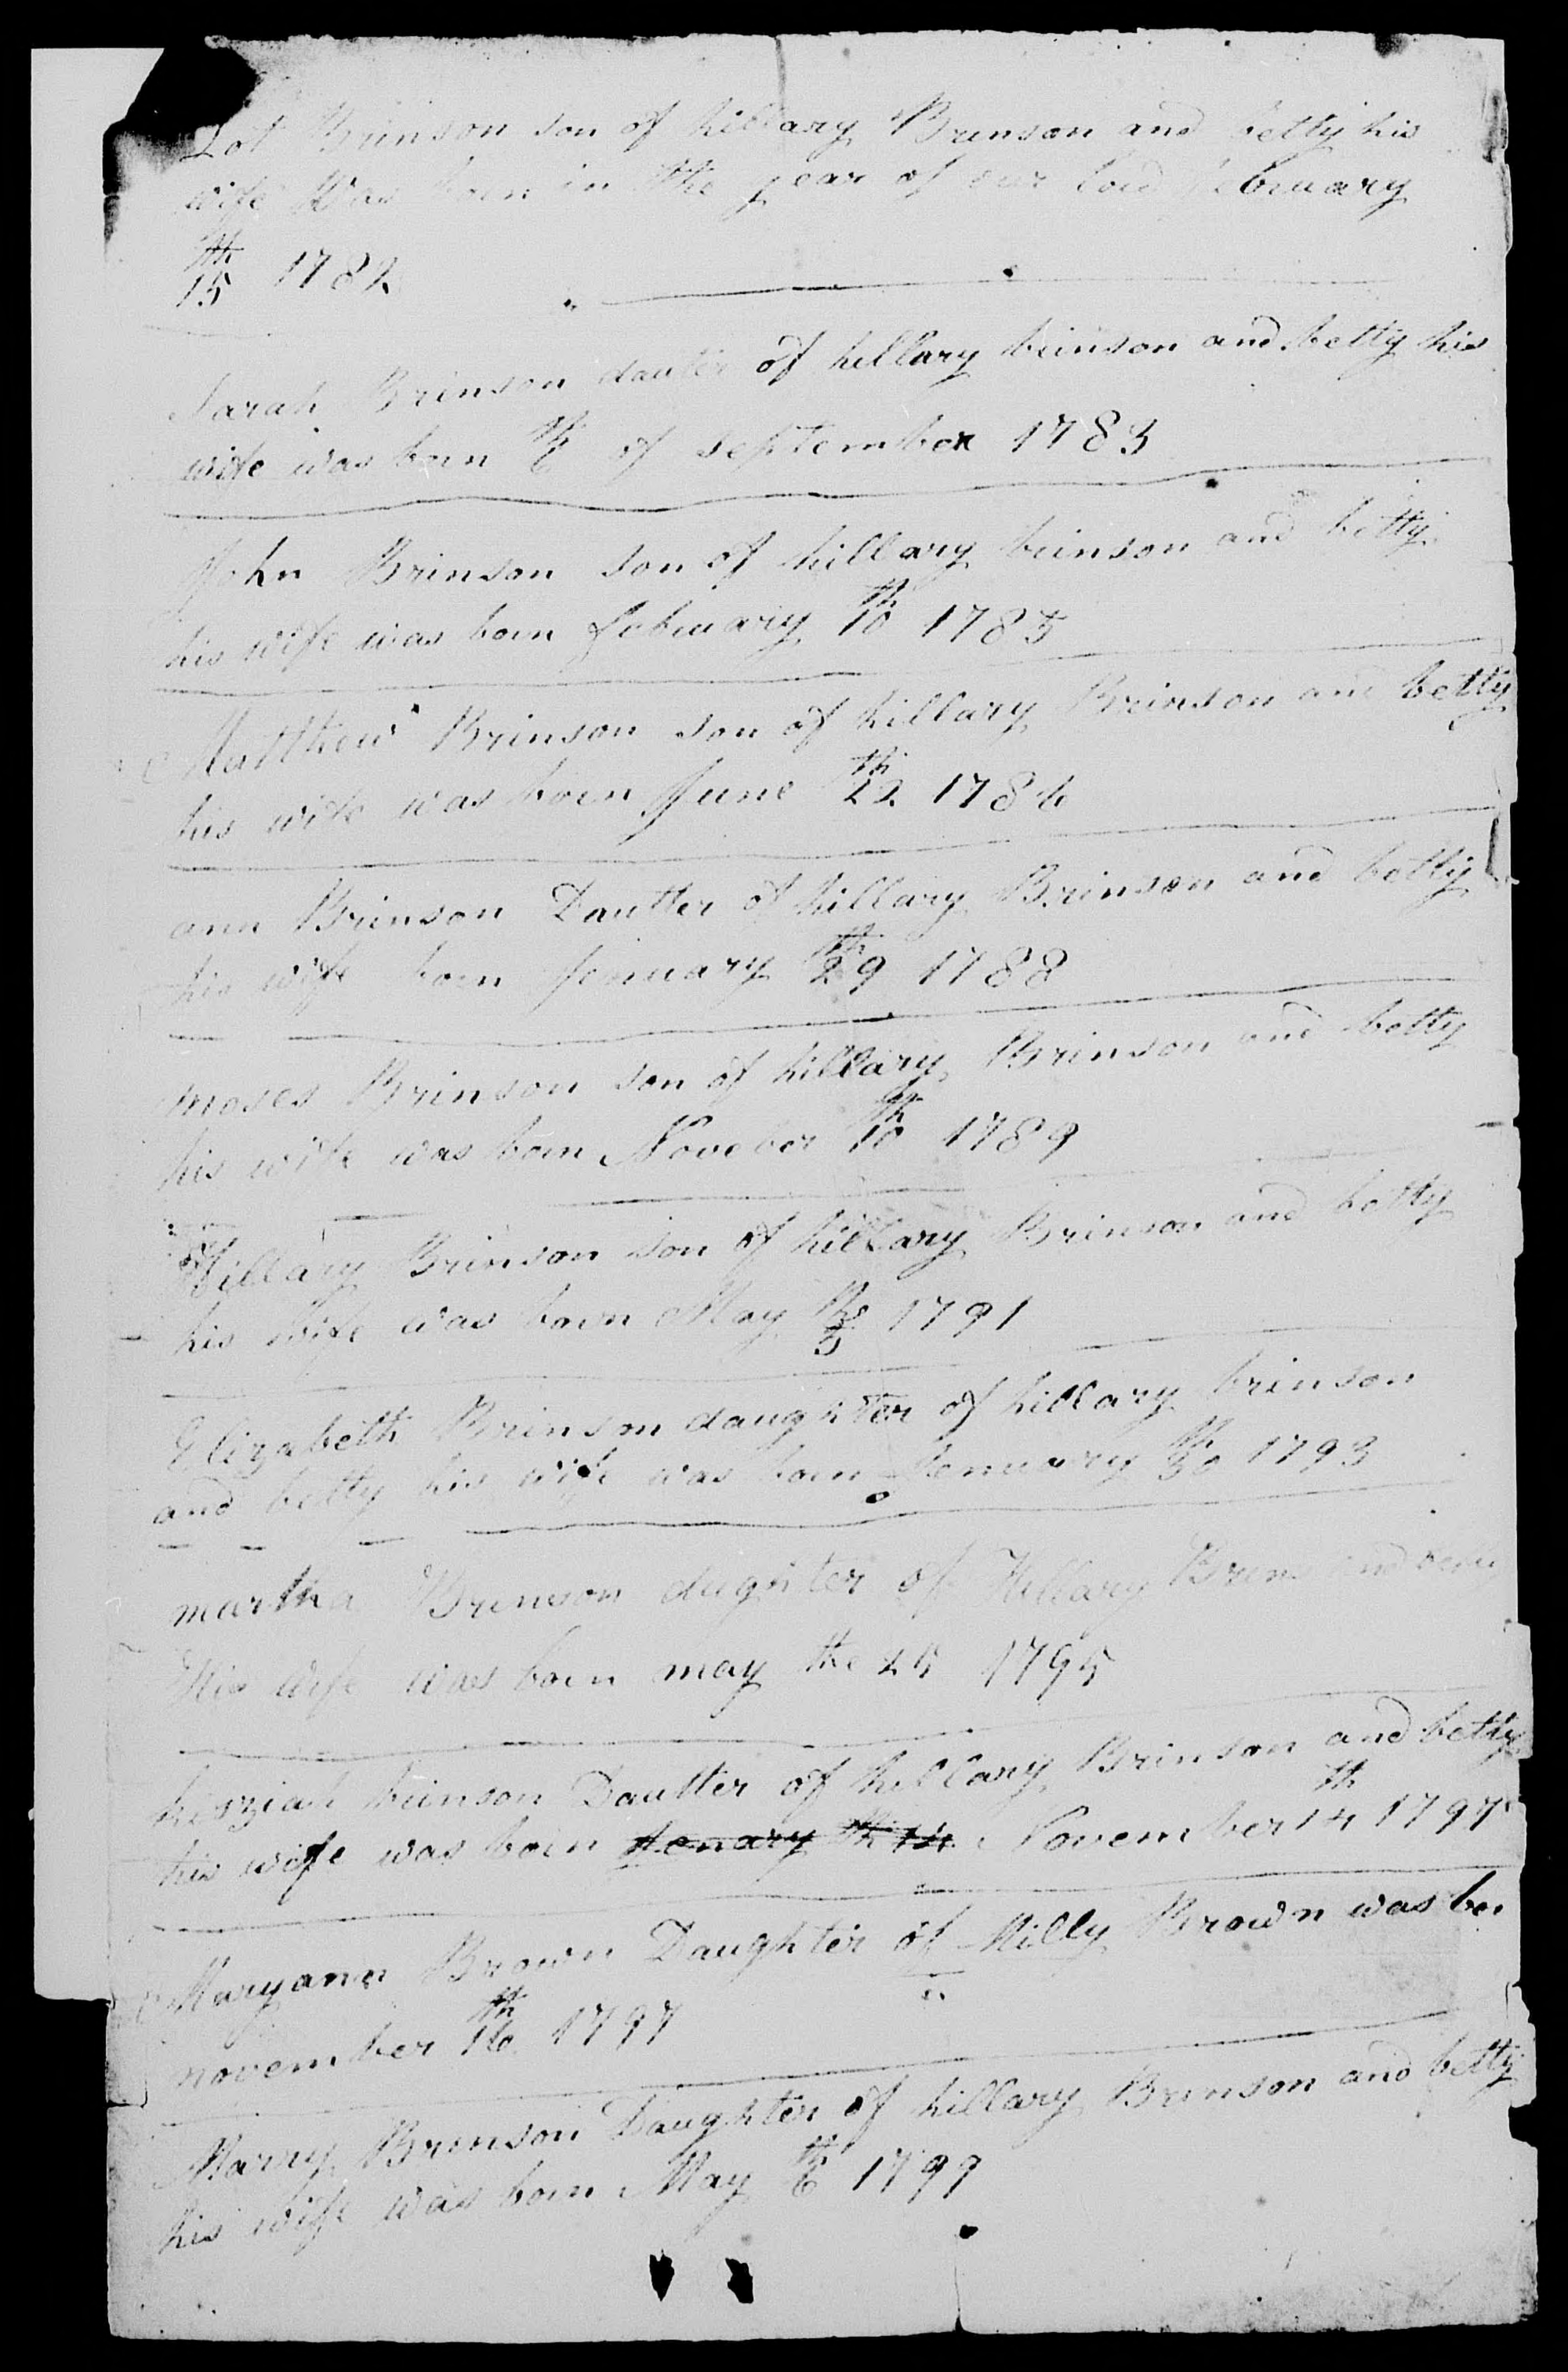[illegible] Brinson son of Hillary Brinson and Betty his wife was born in the year of our Lord February 15th 1787.

Sarah Brinson dauter [daughter] of Hillary Brinson and Betty his wife was born 6th of September  1783.

John Brinson son of Hillary Brinson and Betty his wife was born  February 10th 1785

Matthew Brinson son of Hillary Brinson and Betty his wife was born June 20th 1786

Ann Brinson Dautter [daughter] of Hillary Brinson and Betty his wife was born January 29th 1788

Moses Brinson son of Hillary Brinson and Betty his wife was born May 3rd 1791

Elizabeth Brinson daughter of hillary Brinson and Betty his wife was born January 30th 1793

Martha Brinson daughter of Hillary Brinson and Betty is wife was born May the 24 1795

Kiziah Brinson dautter[daughter] of hillary Brinson and Betty his wife was born November 14th 1797 [crossed out January 14]

Maryann Brown daughter of Milly Brown was born November 16th 1797

Marry Brinson Daughter of hillary Brinson and Betty his wife was born May 6th 1797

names: Betty, John Brinson, Betty, Betty, Hillary Brinson, Hillary Brinson, Brinson, Milly Brown, Betty, Martha Brinson, Hillary Brinson, Betty, Betty, Brinson, Hillary Brinson, Sarah Brinson, Betty, Hillary Brinson, Betty, Nathan Brinson, Betty, Maryann Brown, Hillary Brinson, Betty, Hillary Brinson, Hillary Brinson, Marry Brinson, Hillary Brinson, Kiziah Brinson, Hillary Brinson, Betty, Moses Brinson, Elizabeth Brinson, Hillary Brinson, Hellary Brinson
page: 12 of 38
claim: widow's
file: W. 5231, Hilary Brinson, N.C.